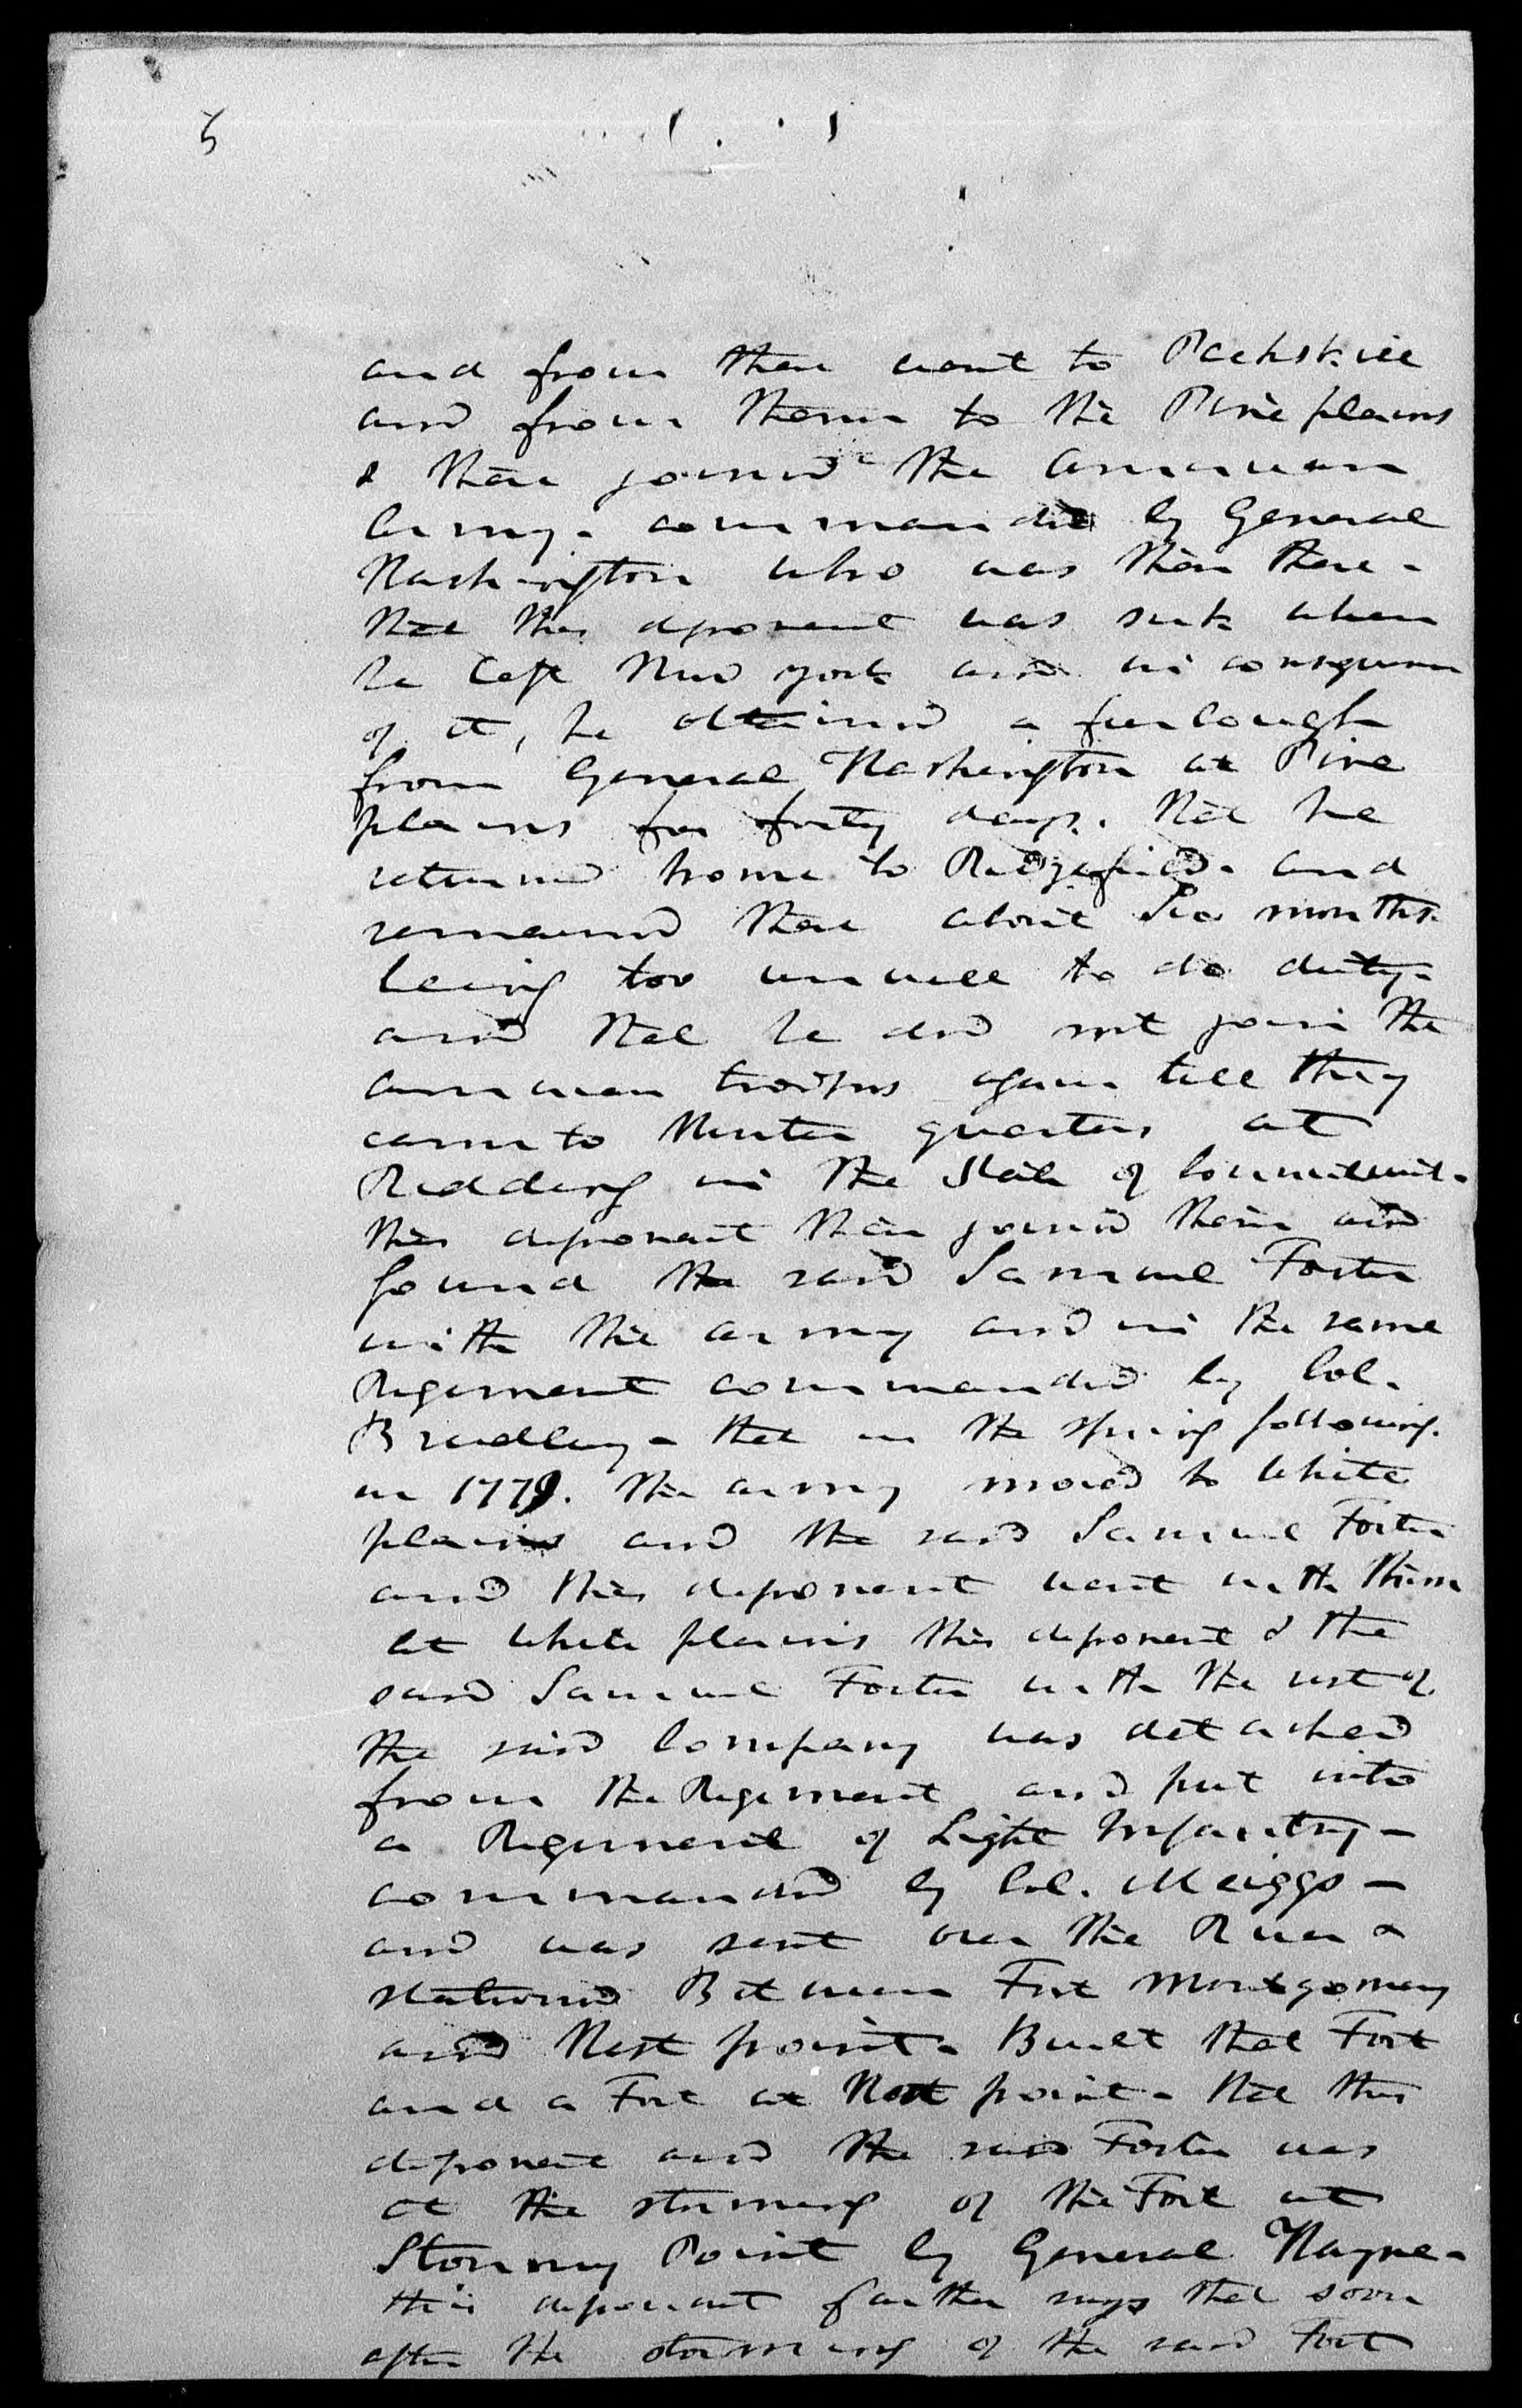5
and from there went to Peekskill and from there to the Pine plains & there joined the American Army commanded by General Washington who was then there - Note this deponent was sick when he left New York xxx of it, he obtained a furlough from General Washington at Pine plains for forty days. That he returned home to Ridgefield. and remained there about Six months being too unwell to do duty. and that he did not join the American troops again till they came to Winter quarters at Redding in the State of Connecticut. This deponent then joined their [illegible] found the said Samuel Foster with the army and in the same Regiment commanded by Col. Bradley - that in the spring following in 1779 this army moved to White plains and the said Samuel Foster and this deponent went with them
at White plains this deponent & the said Samuel Foster with the rest of the said Company was detached from the Regiment and put into a Regiment of Light Infantry - commanded by Col. Meiggs - and was sent over the River & [illegible] Between Fort Montgomery and West point. Built that Fort and a Fort at West point. that this deponent and the said Foster was at the storming of the Fort at Stormy Point by General Wayne. this deponent further says that soon after the storming of the said Fort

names: Wayne, Samuel Foster, Samuel Foster, Meiggs, Washington, Samuel Foster, Bradley, Washington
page: 36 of 54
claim: survivor's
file: S. 13,043, Samuel Foster, Conn.